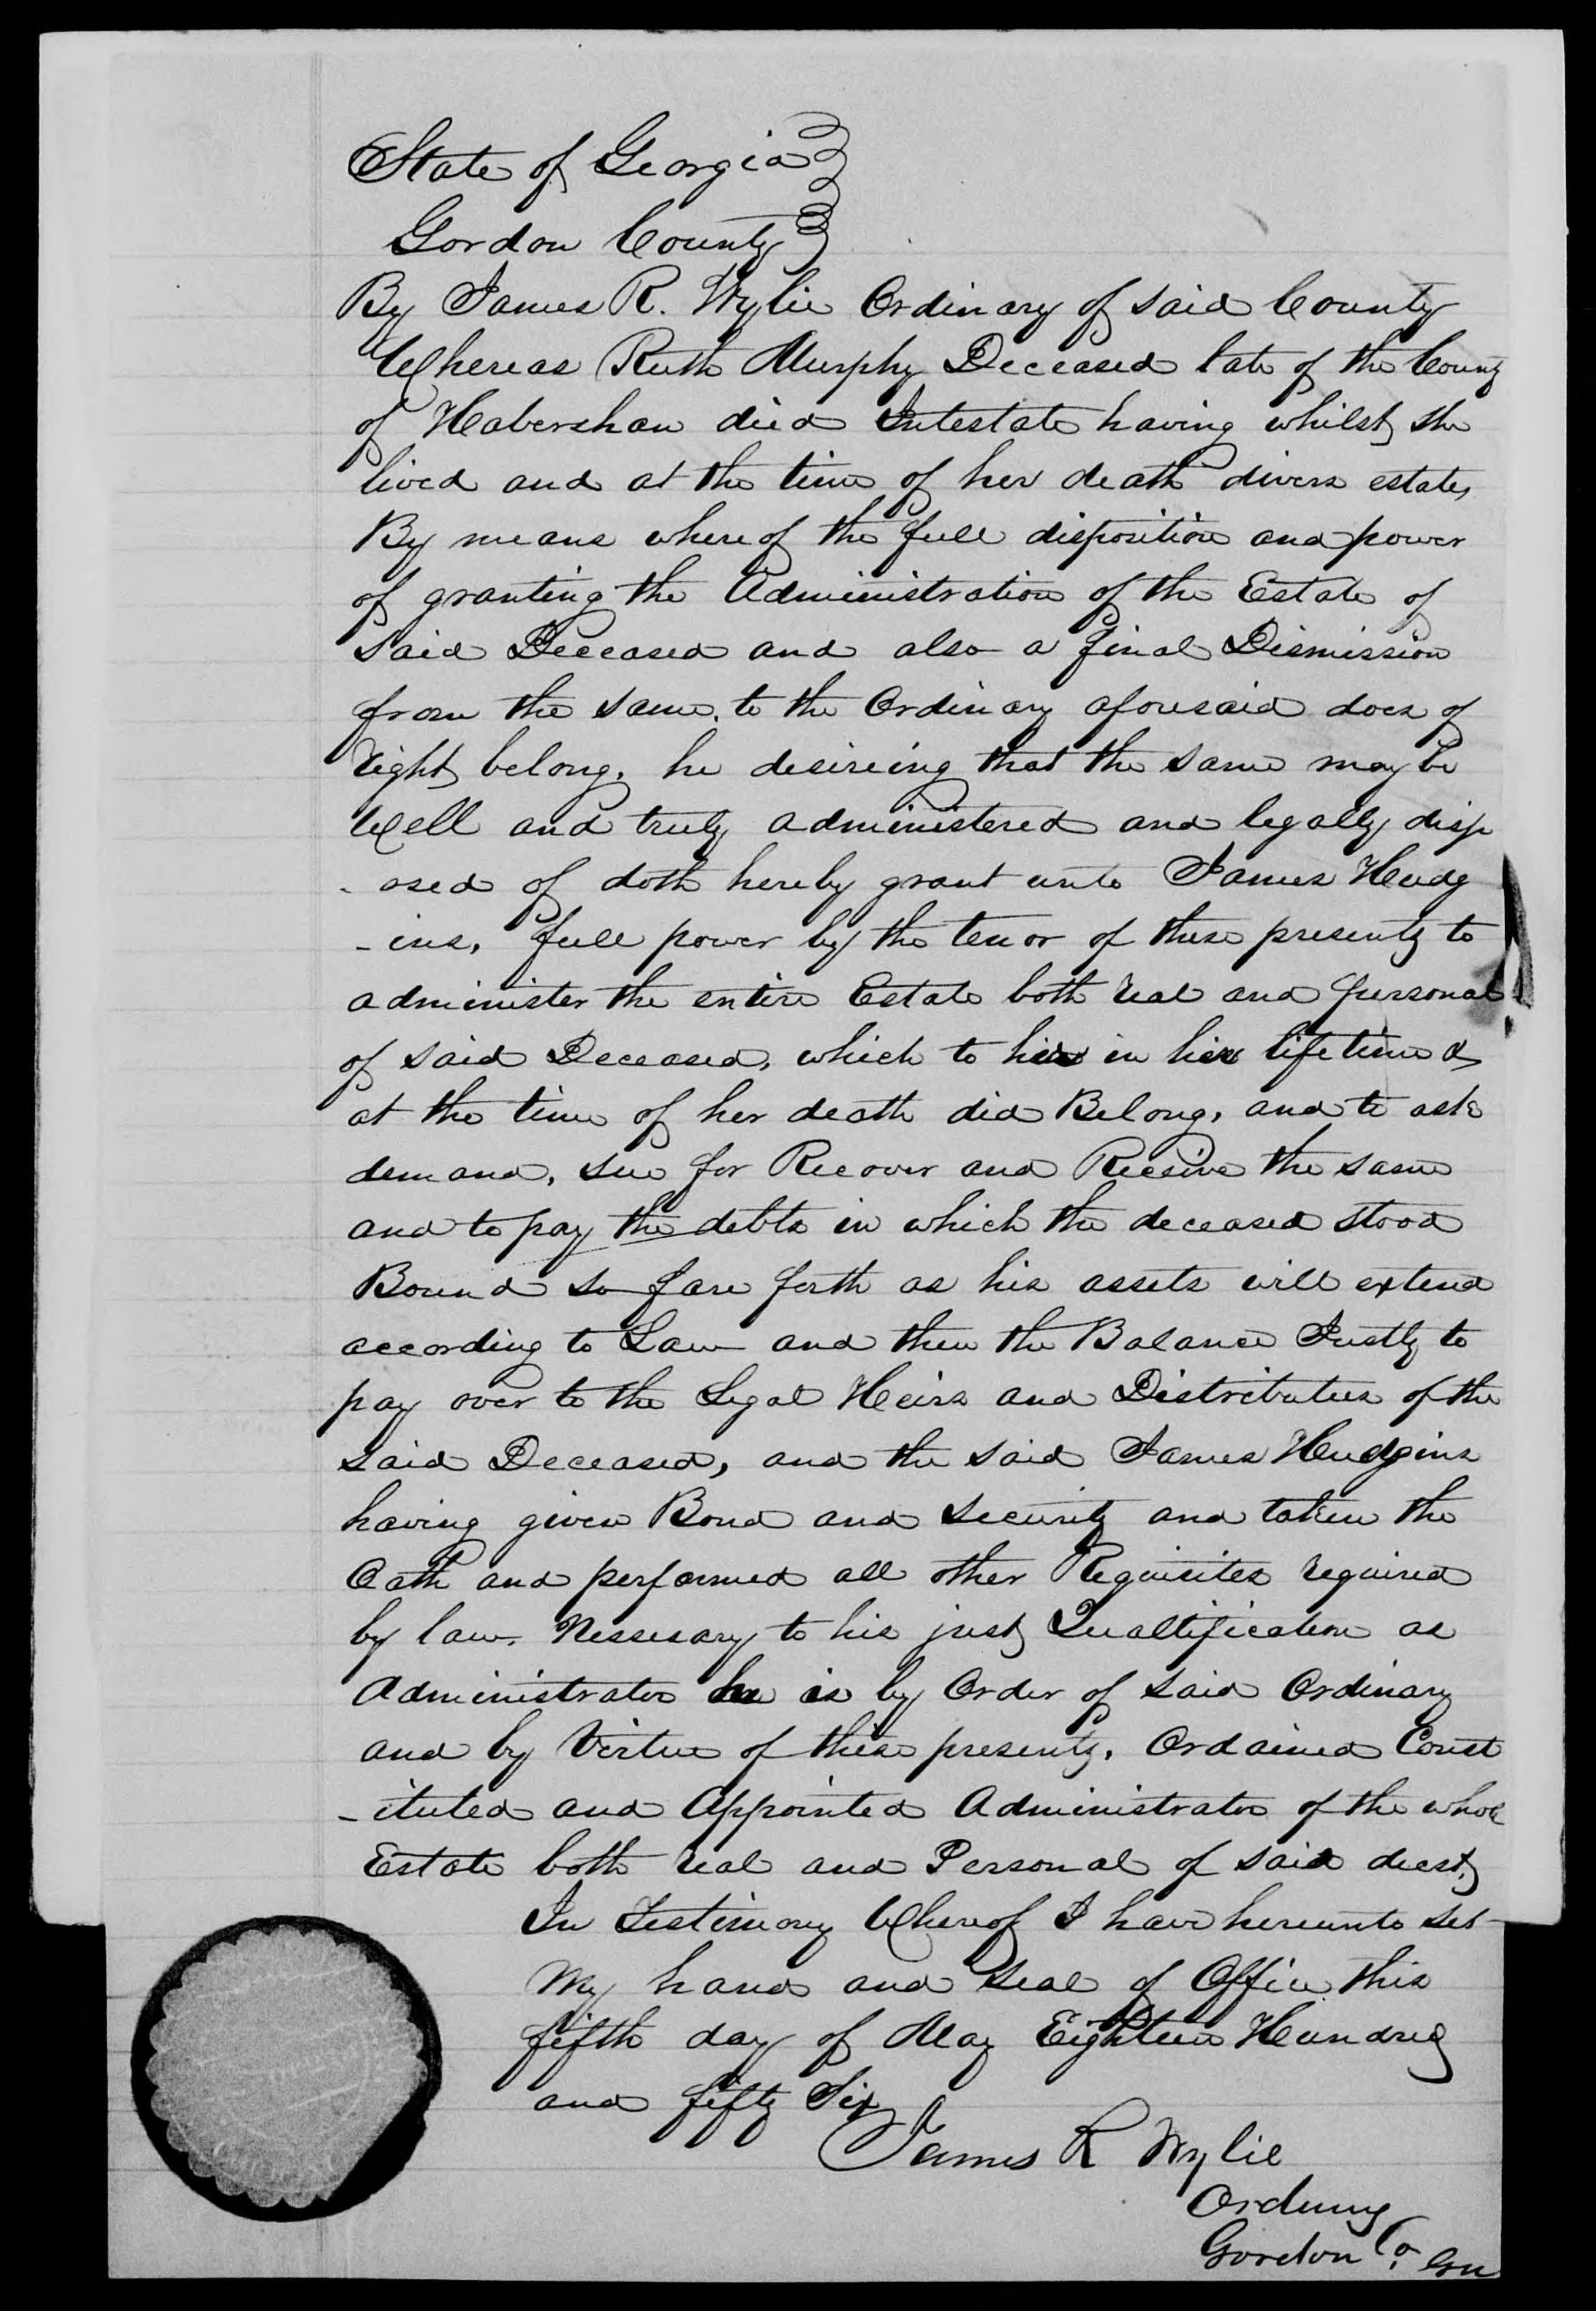State of Georgia
Gordon County (squiggle line alongside)
By James R. Wylie Ordinary of said county
Whereas Ruth Murphy Deceased late of the county of Wabashaw died Intestate having whilst she lived and at the time of her death (not legible word) estate. 
By means where of the full disposition and power of granting the Administration of the Estate of said Deceased and also a final Dismission from the same to the Ordinary aforesaid does of right belong. Her desiring that the same may be well and truly administered and legally disposed of doth hereby grant onto James Hudgins full power by the terms of this present to administer the entire estate both real and personal of said Deceased, which to her in her lifetime at. The time of her death did Belong, and to ask demand, sue for Recover and Receive the same and to pay the debts in which the deceased stood bound to law forth as his assets will extend  according to Law and then the balance justly to pay over to the legal heirs and distribute of the said Deceased, and the said James Hudgins having given Bond and Security and taken the Oath and performed all other requisites required by law necessary to his just qualification as Administrator Sir as by Order of Said Ordinary and by virtue of these present.Ordained Constituted and Appointed Administrator of the whole estate both real and personal of said decent.
In Testimony Whereof I have hereunto  set My hand and seal of Office this fifth day of May Eighteen Hundred and fifty six
James R Wylie
Ordinary
Gordon & (written low on the page and not legible)

The seal was round and had semicircular cutouts. The words were not legible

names: Ruth Murphy, James R Wylie, James Hudgins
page: 66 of 108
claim: rejected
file: R. 7,515, John Hudgins, N.C.